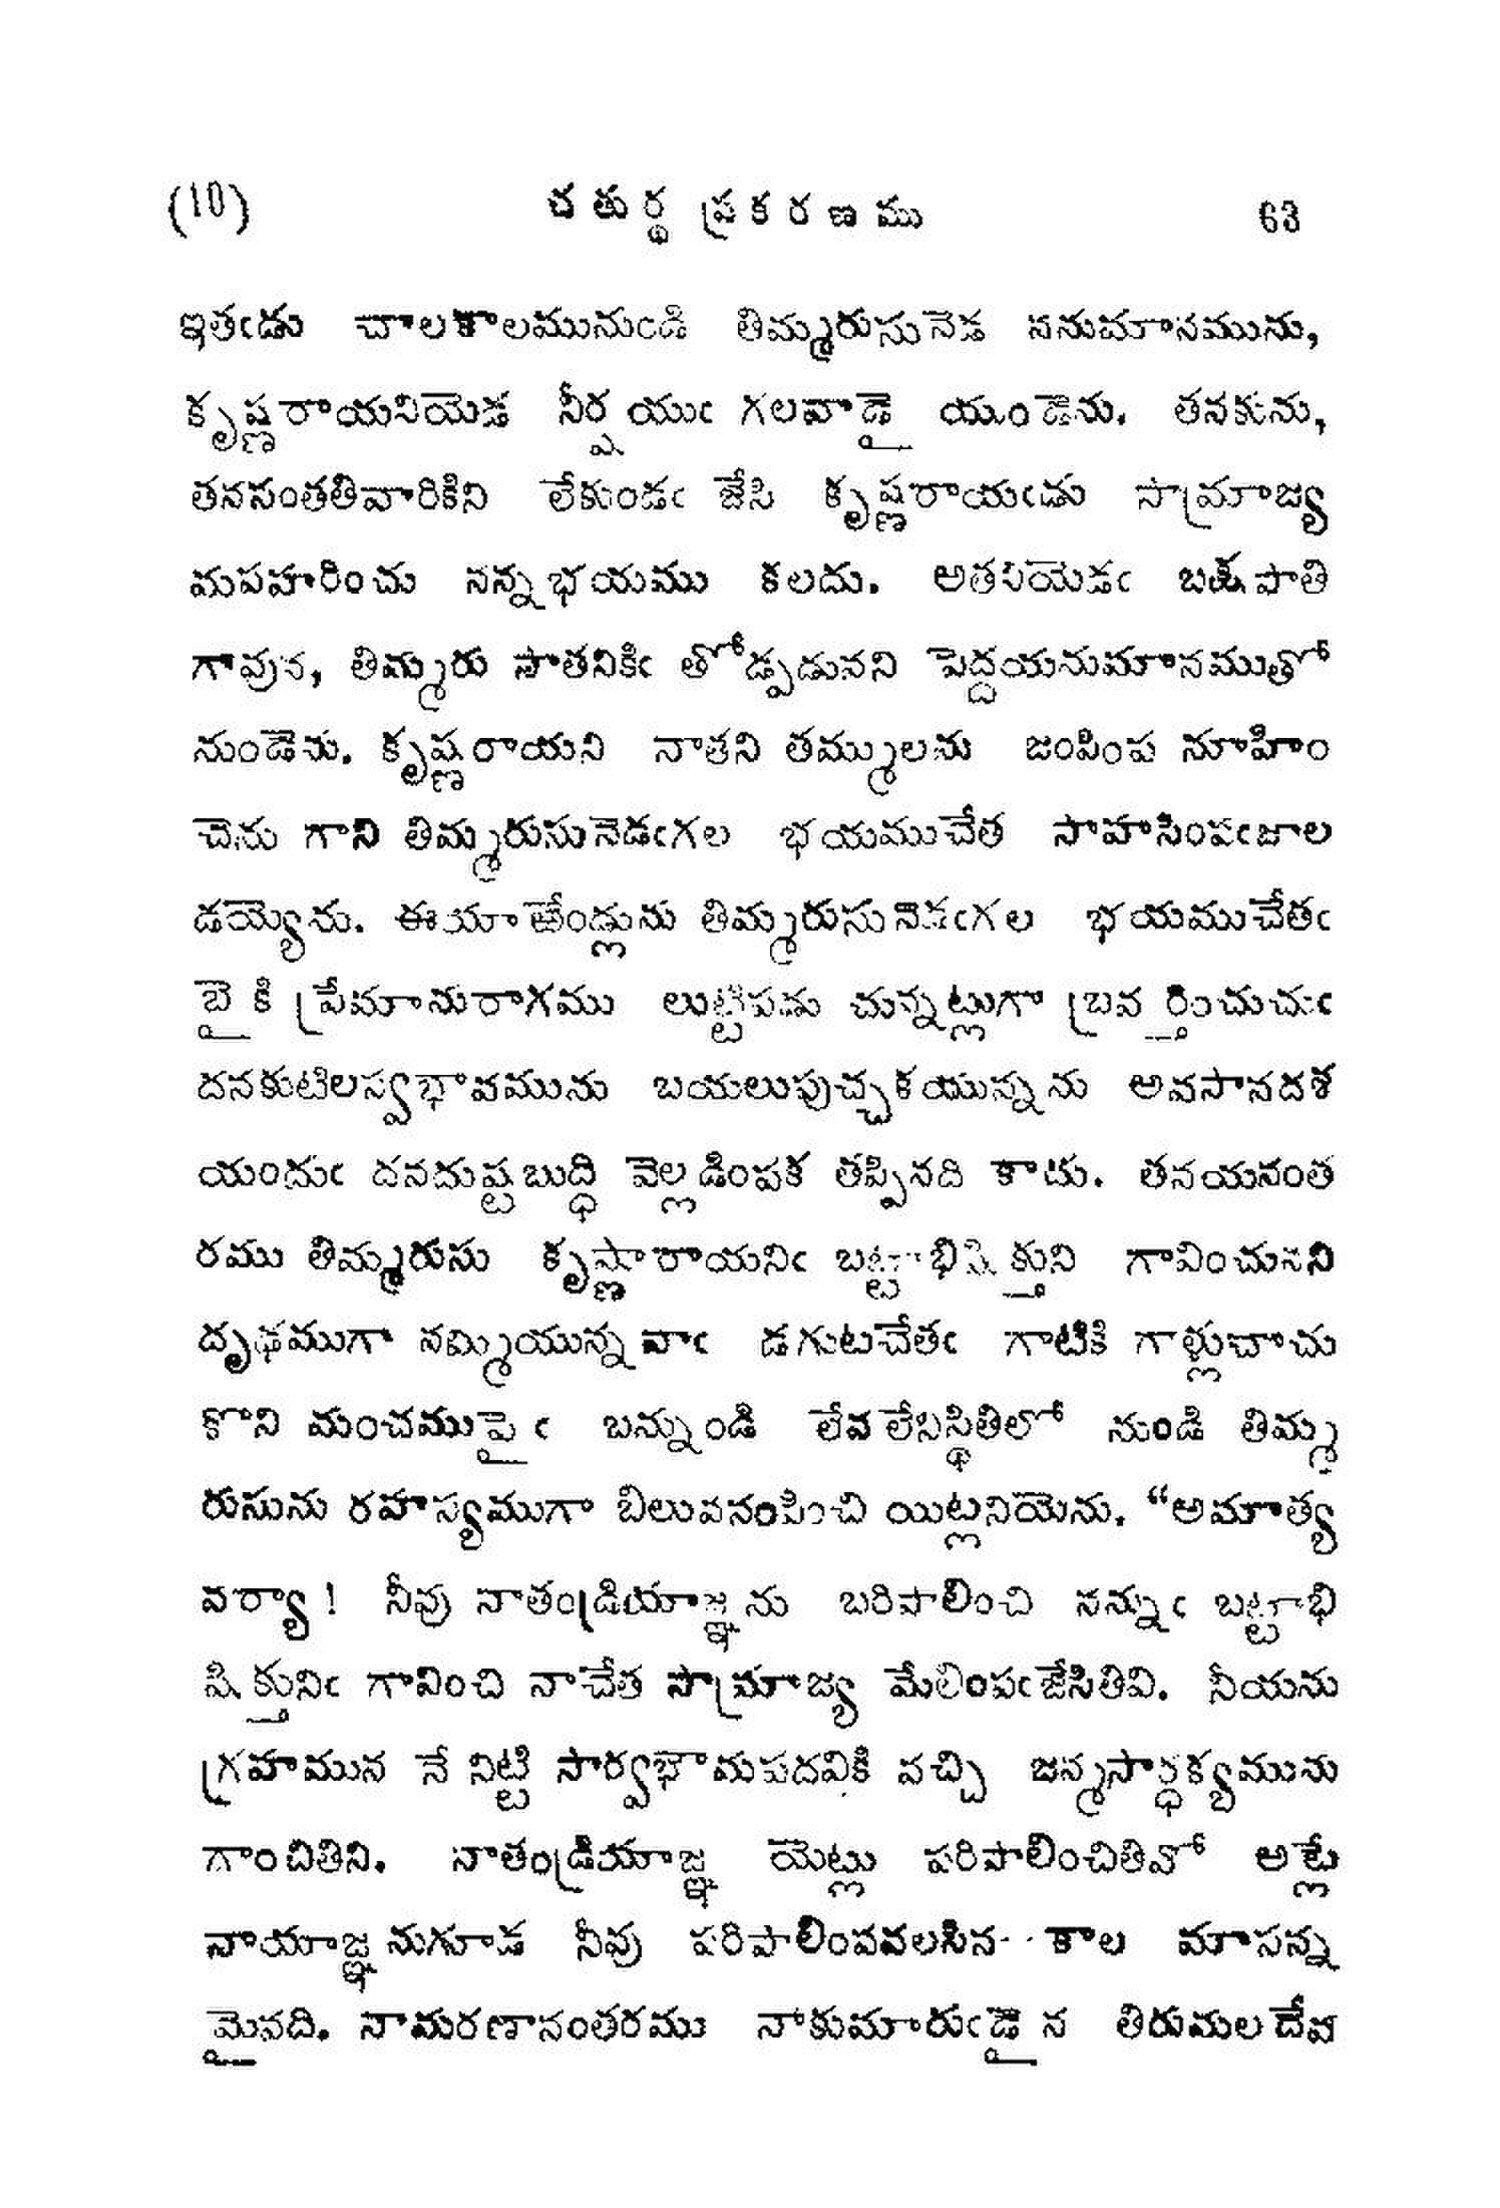ఇతఁడు చాలకాలమునుండి తిమ్మరుసునెడ ననుమానమును, కృష్ణరాయనియెడ నీర్షయుఁ గలవాడై యుండెను. తనకును, తనసంతతివారికిని లేకుండఁ జేసి కృష్ణరాయఁడు సామ్రాజ్య మపహరించు నన్నభయము కలదు. అతనియెడఁ బక్షపాతి గావున, తిమ్మరు సాతనికిఁ తోడ్పడునని పెద్దయనుమానముతో నుండెను. కృష్ణరాయని నాతని తమ్ములను జంపింప నూహించెను గాని తిమ్మరుసునెడఁగల భయముచేత సాహసింపఁజాల డయ్యెను. ఈయాఱేండ్లును తిమ్మరుసునెడఁగల భయముచేతఁ బైకి ప్రేమానురాగము లుట్టిపడు చున్నట్లుగా బ్రవర్తించుచు దనకుటిలస్వభావమును బయలుపుచ్చకయున్నను అవసానదశయందుఁ దనదుష్టబుద్ధి వెల్లడింపక తప్పినది కాదు. తనయనంతరము తిమ్మరుసు కృష్ణారాయనిఁ బట్టాభిషిక్తుని గావించునని దృఢముగా నమ్మియున్నవాఁ డగుటచేతఁ గాటికి గాళ్లుచాచుకొని మంచముపైఁ బన్నుండి లేవలేనిస్థితిలో నుండి తిమ్మరుసును రహస్యముగా బిలువనంపించి యిట్లనియెను, “అమాత్య వర్యా! నీవు నాతండ్రియాజ్ఞను బరిపాలించి నన్నుఁ బట్టాభిషిక్తునిఁ గావించి నాచేత సామ్రాజ్య మేలింపఁజేసితివి. నీయనుగ్రహమున నే నిట్టి సార్వభౌమపదవికి వచ్చి జన్మసార్ధక్యమును గాంచితిని. నాతండ్రియాజ్ఞ యెట్లు పరిపాలించితివో అట్లే నాయాజ్ఞనుగూడ నీవు పరిపాలింపవలసిన కాల మాసన్నమైనది. నామరణానంతరము నాకుమారుఁడైన తిరుమలదేవ